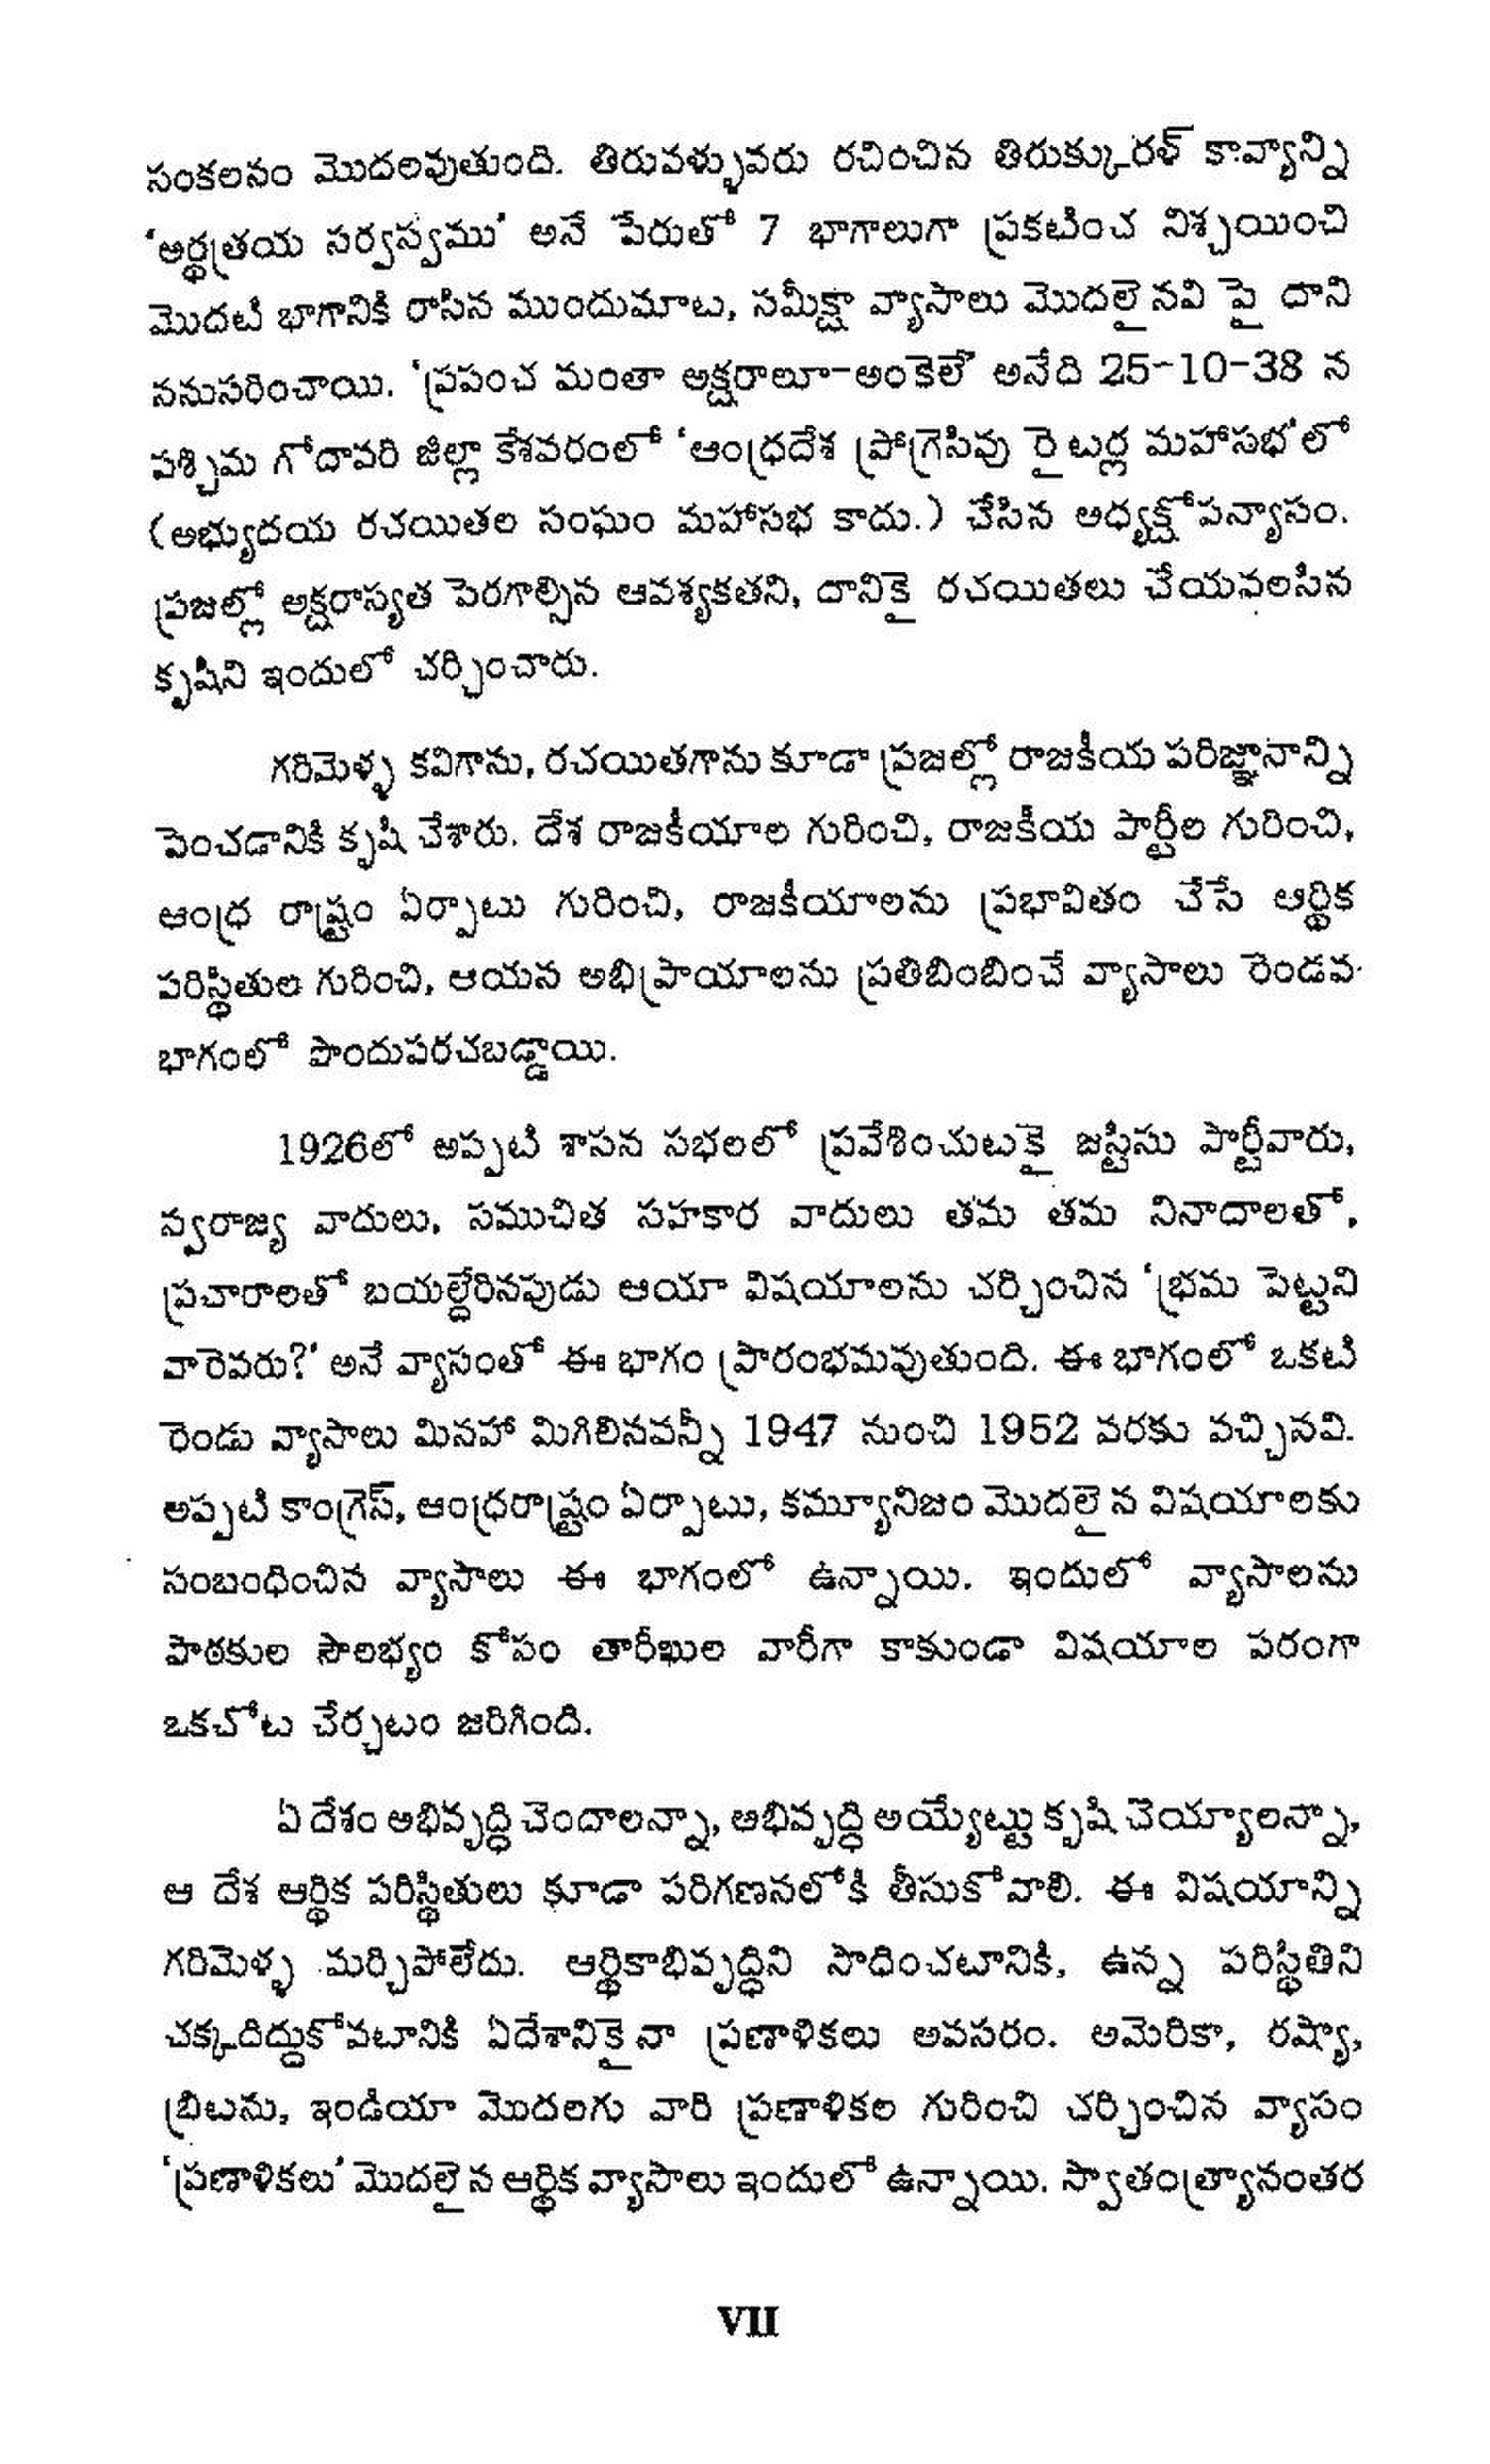సంకలనం మొదలవుతుంది. తిరువళ్ళువరు రచించిన తిరుక్కురళ్ కావ్యాన్ని 'అర్ధత్రయ సర్వస్వము' అనే పేరుతో 7 భాగాలుగా ప్రకటించ నిశ్చయించి మొదటి భాగానికి రాసిన ముందుమాట, సమీక్షా వ్యాసాలు మొదలైనవి పై దానిననుసరించాయి. 'ప్రపంచ మంతా అక్షరాలూ-అంకెలే' అనేది 25-10-38 న పశ్చిమ గోదావరి జిల్లా కేశవరంలో 'ఆంధ్రప్రదేశ్ ప్రోగ్రెసివు రైటర్ల మహాసభ'లో (అభ్యుదయ రచయితల సంఘం మహాసభ కాదు) చేసిన అధ్యక్షోపన్యాసం. ప్రజల్లో అక్షరాస్యత పెరగాల్సిన అవశ్యకతని, దానికై రచయితలు చేయవలసిన కృషిని ఇందులో చర్చించారు.

గరిమెళ్ళ కవిగాను, రచయితగాను కూడా ప్రజల్లో రాజకీయ పరిజ్ఞానాన్ని పెంచడానికి కృషి చేశారు. దేశ రాజకీయాల గురించి, రాజకీయ పార్టీల గురించి, ఆంధ్ర రాష్త్రం ఏర్పాటు గురించి, రాజకీయాలను ప్రభావితం చేసే ఆర్థిక పరిస్థితుల గురించి, ఆయన అభిప్రాయాలను ప్రతిబింబించే వ్యాసాలు రెండవ భాగంలో పొందుపరచబడ్డాయి.

1926లో అప్పటి శాసన సభలలో ప్రవేశించుటకై జస్టిసు పార్టీవారు, స్వరాజ్య వాదులు, సముచిత సహకార వాదులు తమ తమ నినాదాలతో, ప్రచారాలతో బయల్దేరినపుడు ఆయా విషయాలను చర్చించిన 'భ్రమ పెట్టని వారెవరు?' అనే వ్యాసంతో ఈ భాగం ప్రారంభమవుతుంది. ఈ భాగంలో ఒకటి రెండు వ్యాసాలు మినహా మిగిలినవన్నీ 1947 నుంచి 1952 వరకు వచ్చినవి. అప్పటి కాంగ్రెస్, ఆంధ్రరాష్ట్రం ఏర్పాటు, కమ్యూనిజం మొదలైన విషయాలకు సంబంధించిన వ్యాసలు ఈ భాగంలో ఉన్నాయి. ఇందులో వ్యాసాలను పాఠకుల సౌలభ్యం కొసం తారీఖుల వారీగా కాకుండా విషయాల పరంగా ఒకచోట చేర్చటం జరిగింది.

ఏ దేశం అభివృద్ధి చెందాలన్నా, అభివృద్ధి అయ్యేట్టు కృషి చెయ్యాలన్నా, ఆ దేశ అర్థిక పరిస్థితులు కూడా పరిగణనలోకి తీసుకోవాలి. ఈ విషయాన్ని గరిమెళ్ళ మర్చిపోలేదు. ఆర్థికాభివృద్ధిని సాధించటానికి, ఉన్న పరిస్థితిని చక్కదిద్దుకోవటానికి ఏదేశానికైనా ప్రణాళికలు అవసరం. అమెరికా, రష్యా, బ్రిటను, ఇండియా మొదలగు వారి ప్రణాళికల గురించి చర్చించిన వ్యాసం 'ప్రణాళికలు' మొదలైన ఆర్థిక వ్యాసాలు ఇందులో ఉన్నాయి. స్వాతంత్ర్యానంతర